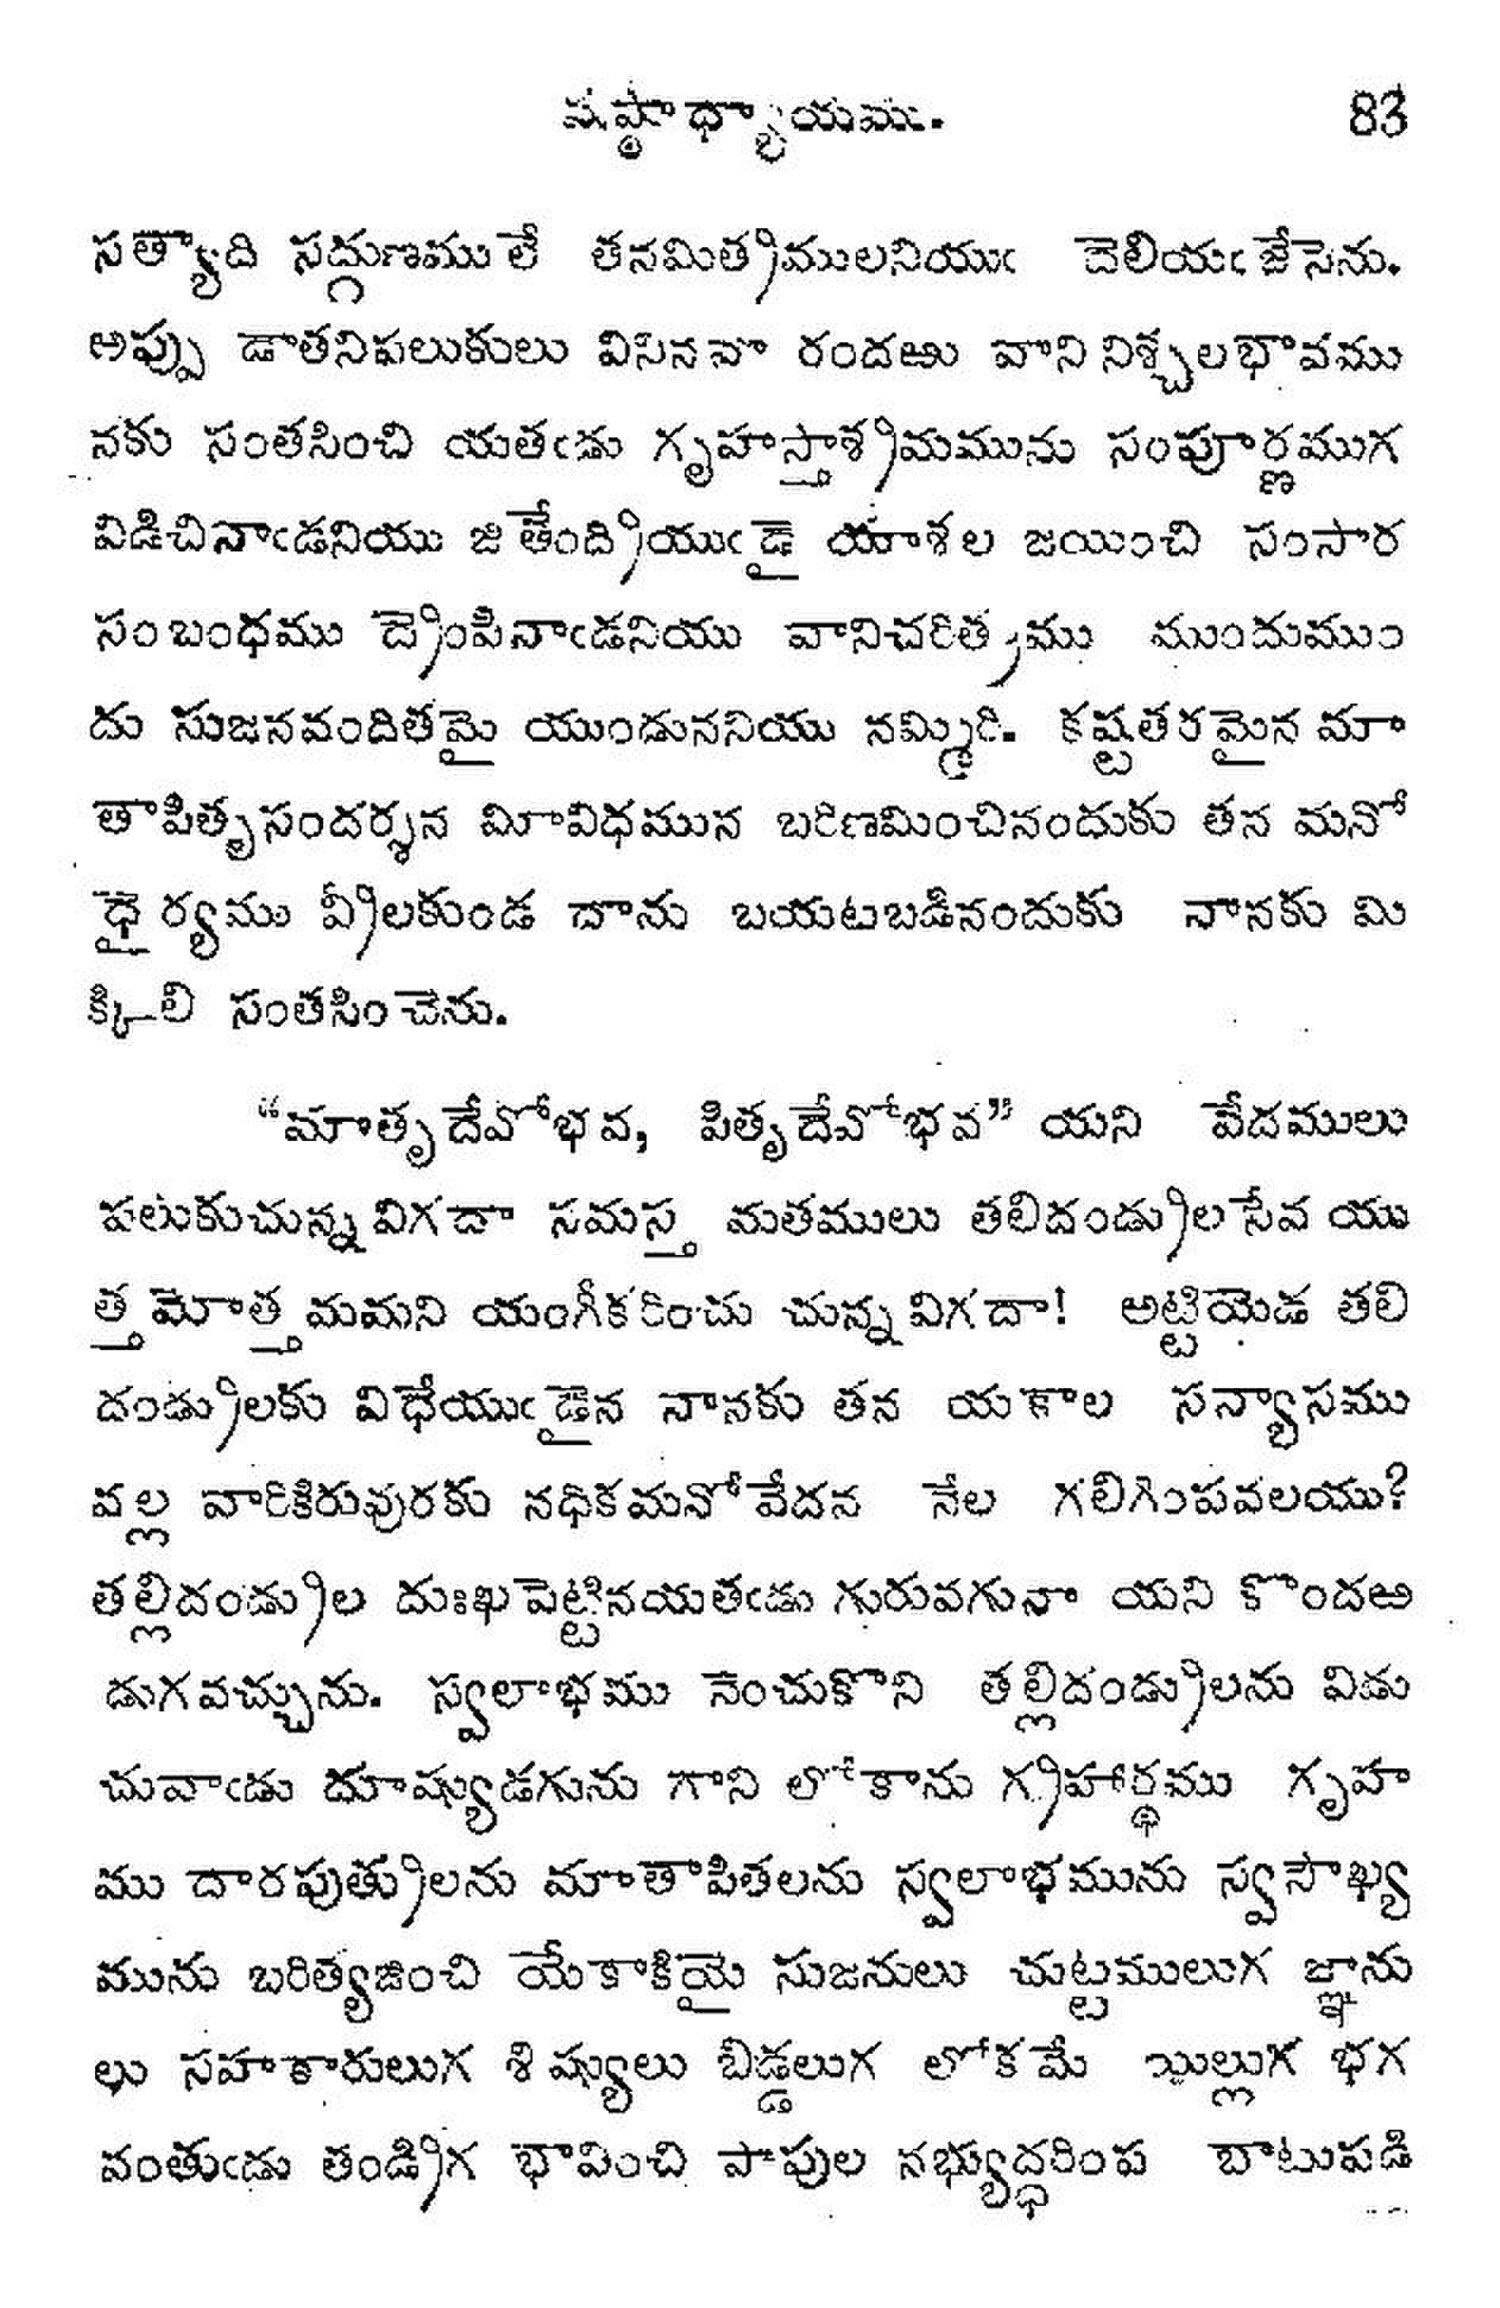సత్యాది సద్గుణములే తనమిత్రములనియు దెలియజేసెను. అప్పు డాతనిపలుకులు వినినవా రందఱు వాని నిశ్చలభావమునకు సంతసించి యతడు గృహస్తాశ్రమమును సంపూర్ణముగ విడిచినాడనియు జితేంద్రియుడై యాశల జయించి సంసార సంబంధము ద్రెంపినాడనియు వానిచరిత్రము ముందుముందు సుజనవందితమై యుండుననియు నమ్మిరి. కష్టతరమైన మాతాపితృసందర్శన మీవిధమున బరిణమించినందుకు తన మనోధైర్యము వ్రీలకుండ దాను బయటబడినందుకు నానకు మిక్కిలి సంతసించెను.

"మాతృదేవోభవ, పితృదేవోభవ" యని వేదములు పలుకుచున్నవిగదా సమస్త మతములు తలిదండ్రులసేవ యుత్తమోత్తమమని యంగీకరించు చున్నవిగదా! అట్టియెడ తలిదండ్రులకు విధేయుడైన నానకు తన యకాల సన్యాసము వల్ల వారికిరువురకు నధికమనోవేదన నేల గలిగింపవలయు? తల్లిదండ్రుల దు:ఖపెట్టినయతడు గురువగునా యని కొందఱడుగవచ్చును. స్వలాభము నెంచుకొని తల్లిదండ్రులను విడుచువాడు దూష్యుడగును గాని లోకాను గ్రహార్థము గృహము దారపుత్రులను మాతాపితలను స్వలాభమును స్వసౌఖ్యమును బరిత్యజించి యేకాకియై సుజనులు చుట్టములుగ జ్ఞానులు సహకారులుగ శిష్యులు బిడ్డలుగ లోకమే యిల్లుగ భగవంతుడు తండ్రిగ భావించి పాపుల నభ్యుద్ధరింప బాటుపడి